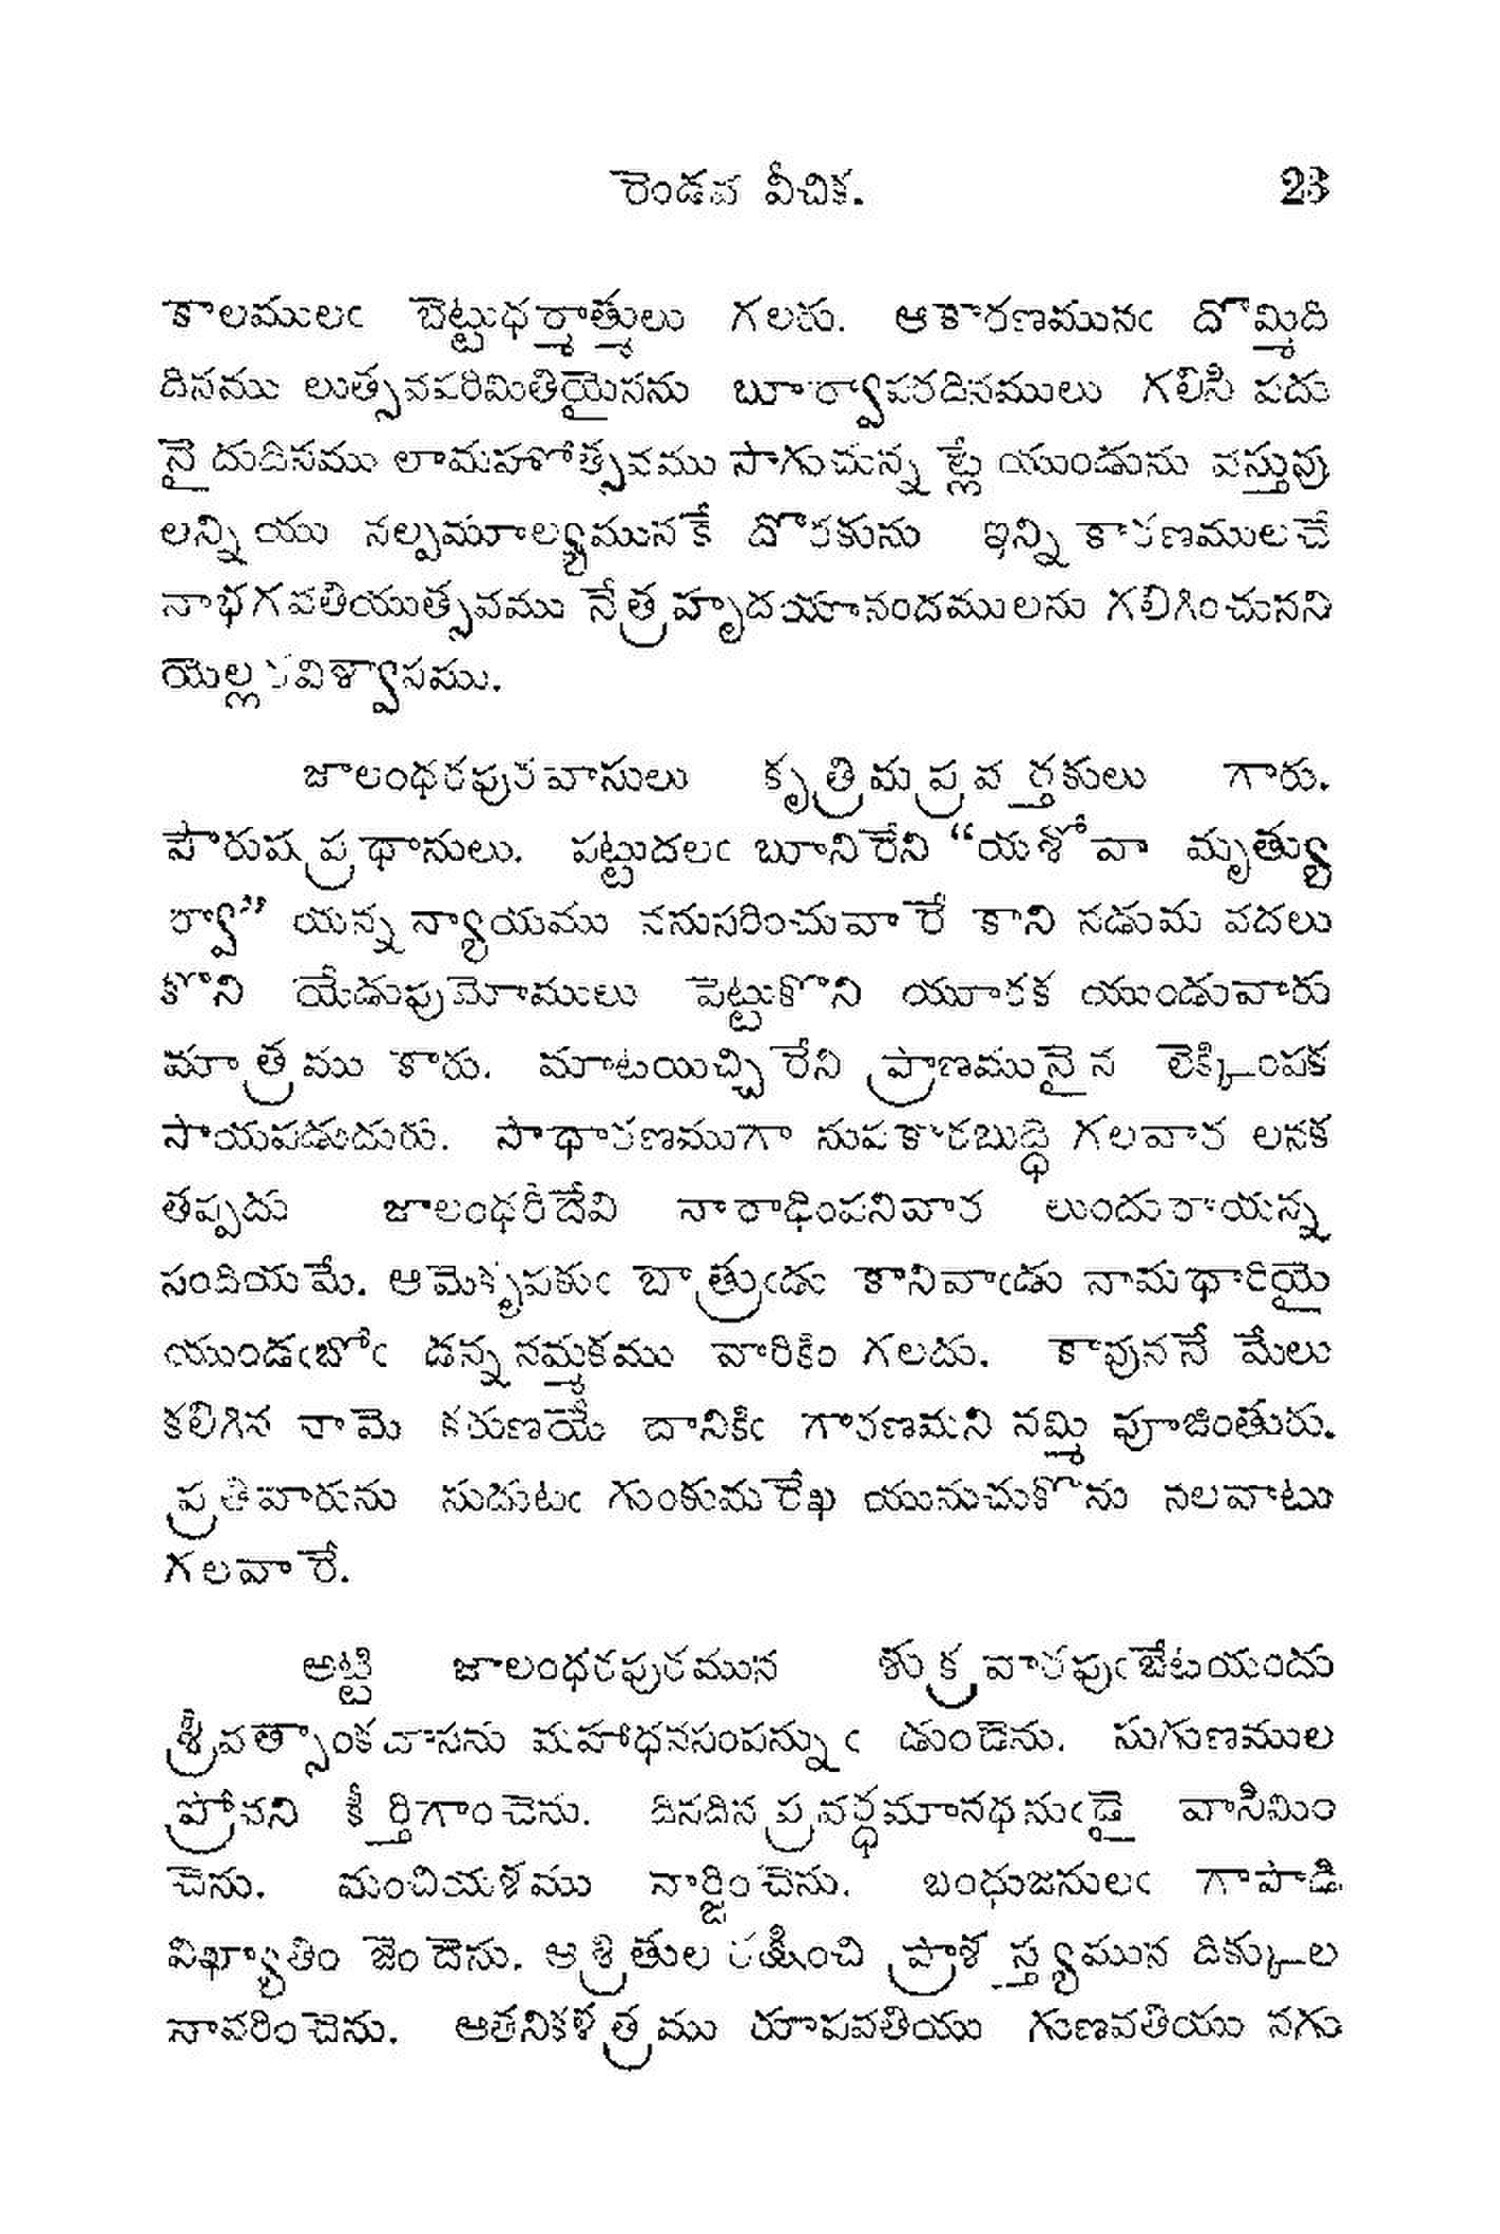_
కాలములఁ బెట్టుధర్మాత్ములు గలరు. ఆకారణమునఁ దొమ్మిది దినము లుత్సవపరిమితియైనను బూర్వాపరదినములు గలిసి పదు నై దుదినము లామహోత్సవము సాగుచున్నట్లే యుండును వస్తువు లన్ని యు నల్పమూల్యమునకే దొరకును ఇన్ని కారణములచే నాభగవతియుత్సవము నేత్ర హృదయానందములను గలిగించునని యెల్లర విశ్వాసము.

జాలంధరపుర వాసులు కృత్రిమ ప్రవర్తకులు గారు. పౌరుష ప్రధానులు. పట్టుదలఁ బూని రేని “యశోవా మృత్యు ర్వా" యన్న న్యాయము ననుసరించువారే కాని నడుమ వదలు కొని 'యేడుపుమోములు పెట్టుకొని యూరక యుండువారు మాత్రము కారు. మాటయిచ్చి రేని ప్రాణమునైన లెక్కింపక సాయపడుదురు. సాధారణముగా నుపకారబుద్ధి గలవార లనక తప్పదు. జాలంధరీదేవి నారాధింపనివార లుందురాయన్న సందియమే. ఆమె కృపకుఁ బాత్రుఁడు కానివాఁడు నామ ధారియైయుండఁబోఁ డన్న నమ్మకము వారికిం గలదు. కావుననే మేలు కలిగిన నామె కరుణయే దానికిఁ గారణమని నమ్మి పూజింతురు. ప్రతివారును నుదుటఁ గుంకుమ రేఖ యునుచుకొను నలవాటు గలవారే.

అట్టి జాలంధర పురమున శుక్ర వారపుఁ బేటయందు శ్రీవత్సాంక దాసను మహాధనసంపన్నుఁ డుండెను. సుగుణముల ప్రోవని కీర్తిగాంచెను. దినదిన ప్రవర్ధమానధనుఁడై వాసిమించెను. మంచి యశము నార్జించెను. బంధుజనులఁ గాపాడి విఖ్యాతిం జెందెను. ఆశ్రితుల రక్షించి ప్రాశస్త్యమున దిక్కుల నావరించెను. ఆతనికళత్రము రూపవతియు గుణవతియు నగు